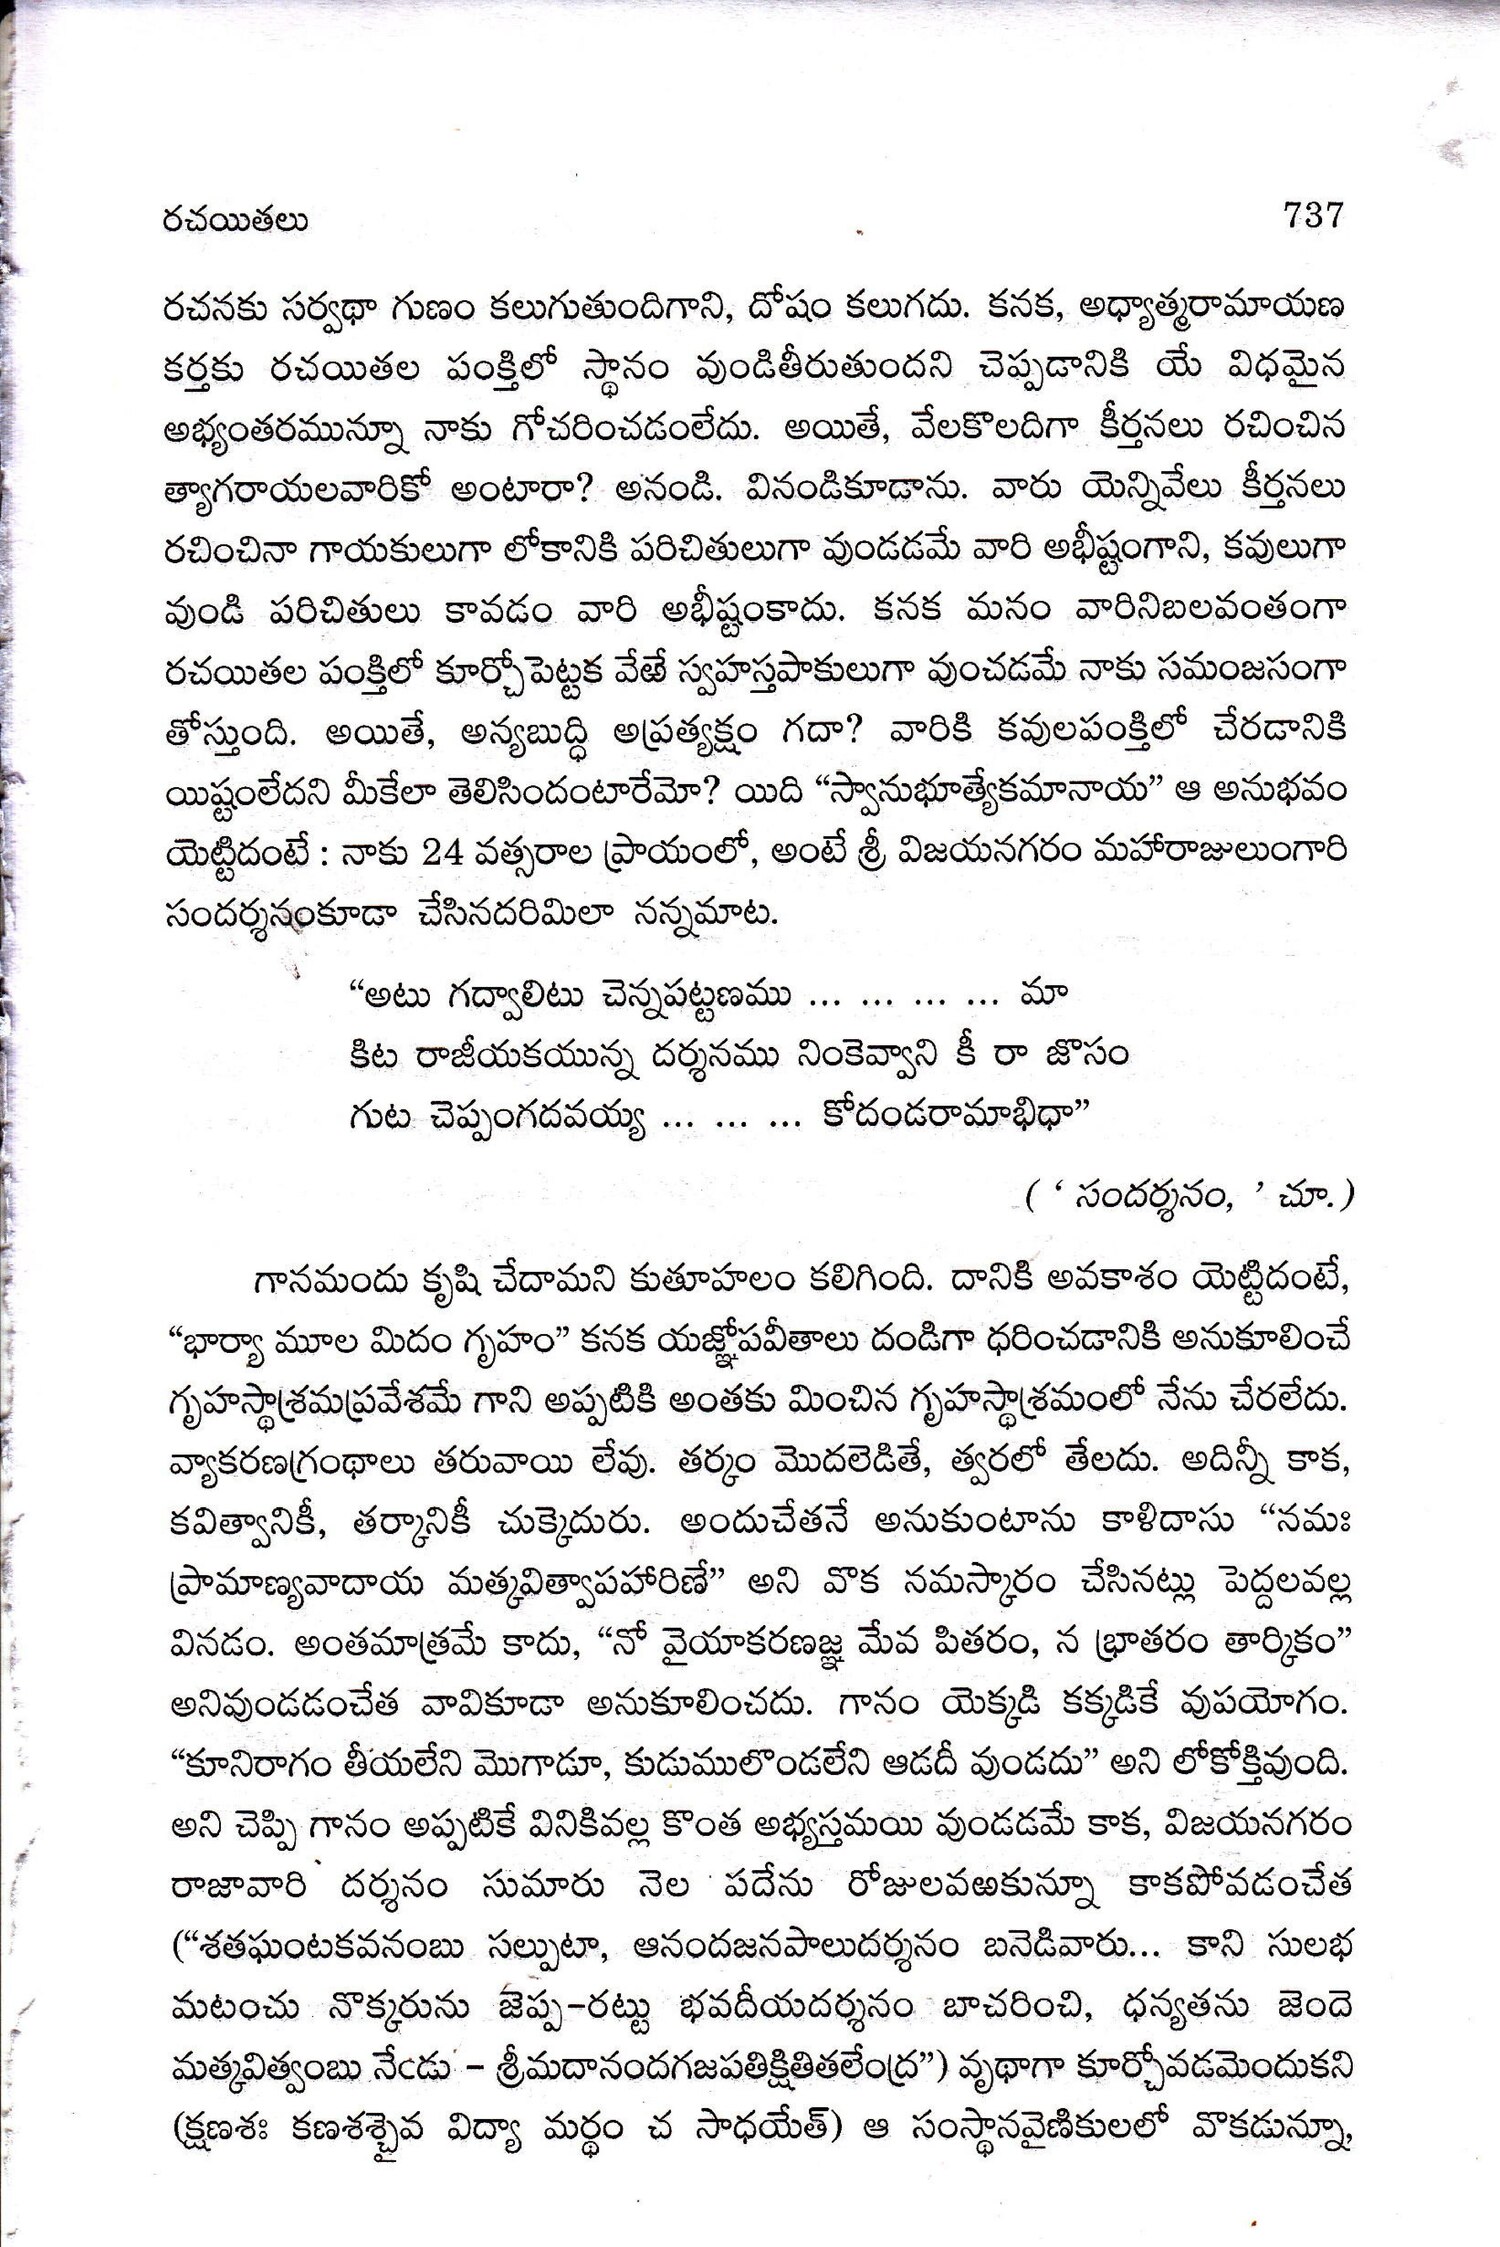రచనకు సర్వథా గుణం కలుగుతుందిగాని, దోషం కలుగదు. కనక, అధ్యాత్మరామాయణ కర్తకు రచయితల పంక్తిలో స్థానం వుండితీరుతుందని చెప్పడానికి యే విధమైన అభ్యంతరమున్నూ నాకు గోచరించడంలేదు. అయితే, వేలకొలదిగా కీర్తనలు రచించిన త్యాగరాయలవారికో అంటారా? అనండి. వినండికూడాను. వారు యెన్నివేలు కీర్తనలు రచించినా గాయకులుగా లోకానికి పరిచితులుగా వుండడమే వారి అభీష్టంగాని, కవులుగా వుండి పరిచితులు కావడం వారి అభీష్టంకాదు. కనక మనం వారిని బలవంతంగా రచయితల పంక్తిలో కూర్చోపెట్టక వేఱే స్వహస్తపాకులుగా వుంచడమే నాకు సమంజసంగా తోస్తుంది. అయితే, అన్యబుద్ధి అప్రత్యక్షం గదా? వారికి కవులపంక్తిలో చేరడానికి యిష్టంలేదని మీకేలా తెలిసిందంటారేమో? యిది "స్వానుభూత్యేకమానాయ" ఆ అనుభవం యెట్టిదంటే : నాకు 24 వత్సరాల ప్రాయంలో, అంటే శ్రీ విజయనగరం మహారాజులుంగారి సందర్శనంకూడా చేసినదరిమిలా నన్నమాట.

“అటు గద్వాలిటు చెన్నపట్టణము . . . . మా 
 కిట రాజీయకయున్న దర్శనము నింకెవ్వాని కీ రా జొసం 
 గుట చెప్పంగదవయ్య ... ... ... కోదండరామాభిధా”
 ('సందర్శనం, చూ.)
గానమందు కృషి చేదామని కుతూహలం కలిగింది. దానికి అవకాశం యెట్టిదంటే, "భార్యా మూల మిదం గృహం” కనక యజ్ఞోపవీతాలు దండిగా ధరించడానికి అనుకూలించే గృహస్థాశ్రమప్రవేశమే గాని అప్పటికి అంతకు మించిన గృహస్థాశ్రమంలో నేను చేరలేదు. వ్యాకరణగ్రంథాలు తరువాయి లేవు. తర్కం మొదలెడితే, త్వరలో తేలదు. అదిన్నీ కాక, కవిత్వానికీ, తర్కానికీ చుక్కెదురు. అందుచేతనే అనుకుంటాను కాళిదాసు “నమః ప్రామాణ్యవాదాయ మత్కవిత్వాపహారిణే" అని వొక నమస్కారం చేసినట్లు పెద్దలవల్ల వినడం. అంతమాత్రమే కాదు, “నో వైయాకరణజ్ఞ మేవ పితరం, న భ్రాతరం తార్కికం" అనివుండడంచేత వావికూడా అనుకూలించదు. గానం యెక్కడి కక్కడికే వుపయోగం. “కూనిరాగం తీయలేని మొగాడూ, కుడుములొండలేని ఆడదీ వుండదు” అని లోకోక్తివుంది. అని చెప్పి గానం అప్పటికే వినికివల్ల కొంత అభ్యస్తమయి వుండడమే కాక, విజయనగరం రాజావారి దర్శనం సుమారు నెల పదేను రోజులవఱకున్నూ కాకపోవడంచేత (“శతఘంటకవనంబు సల్పుటా, ఆనందజనపాలుదర్శనం బనెడివారు. కాని సులభ మటంచు నొక్కరును జెప్ప-రట్టు భవదీయదర్శనం బాచరించి, ధన్యతను జెందె మత్కవిత్వంబు నేఁడు - శ్రీమదానందగజపతిక్షితితలేంద్ర") వృథాగా కూర్చోవడమెందుకని (క్షణశః కణశశ్చైవ విద్యా మర్ధం చ సాధయేత్) ఆ సంస్థానవైణికులలో వొకడున్నూ